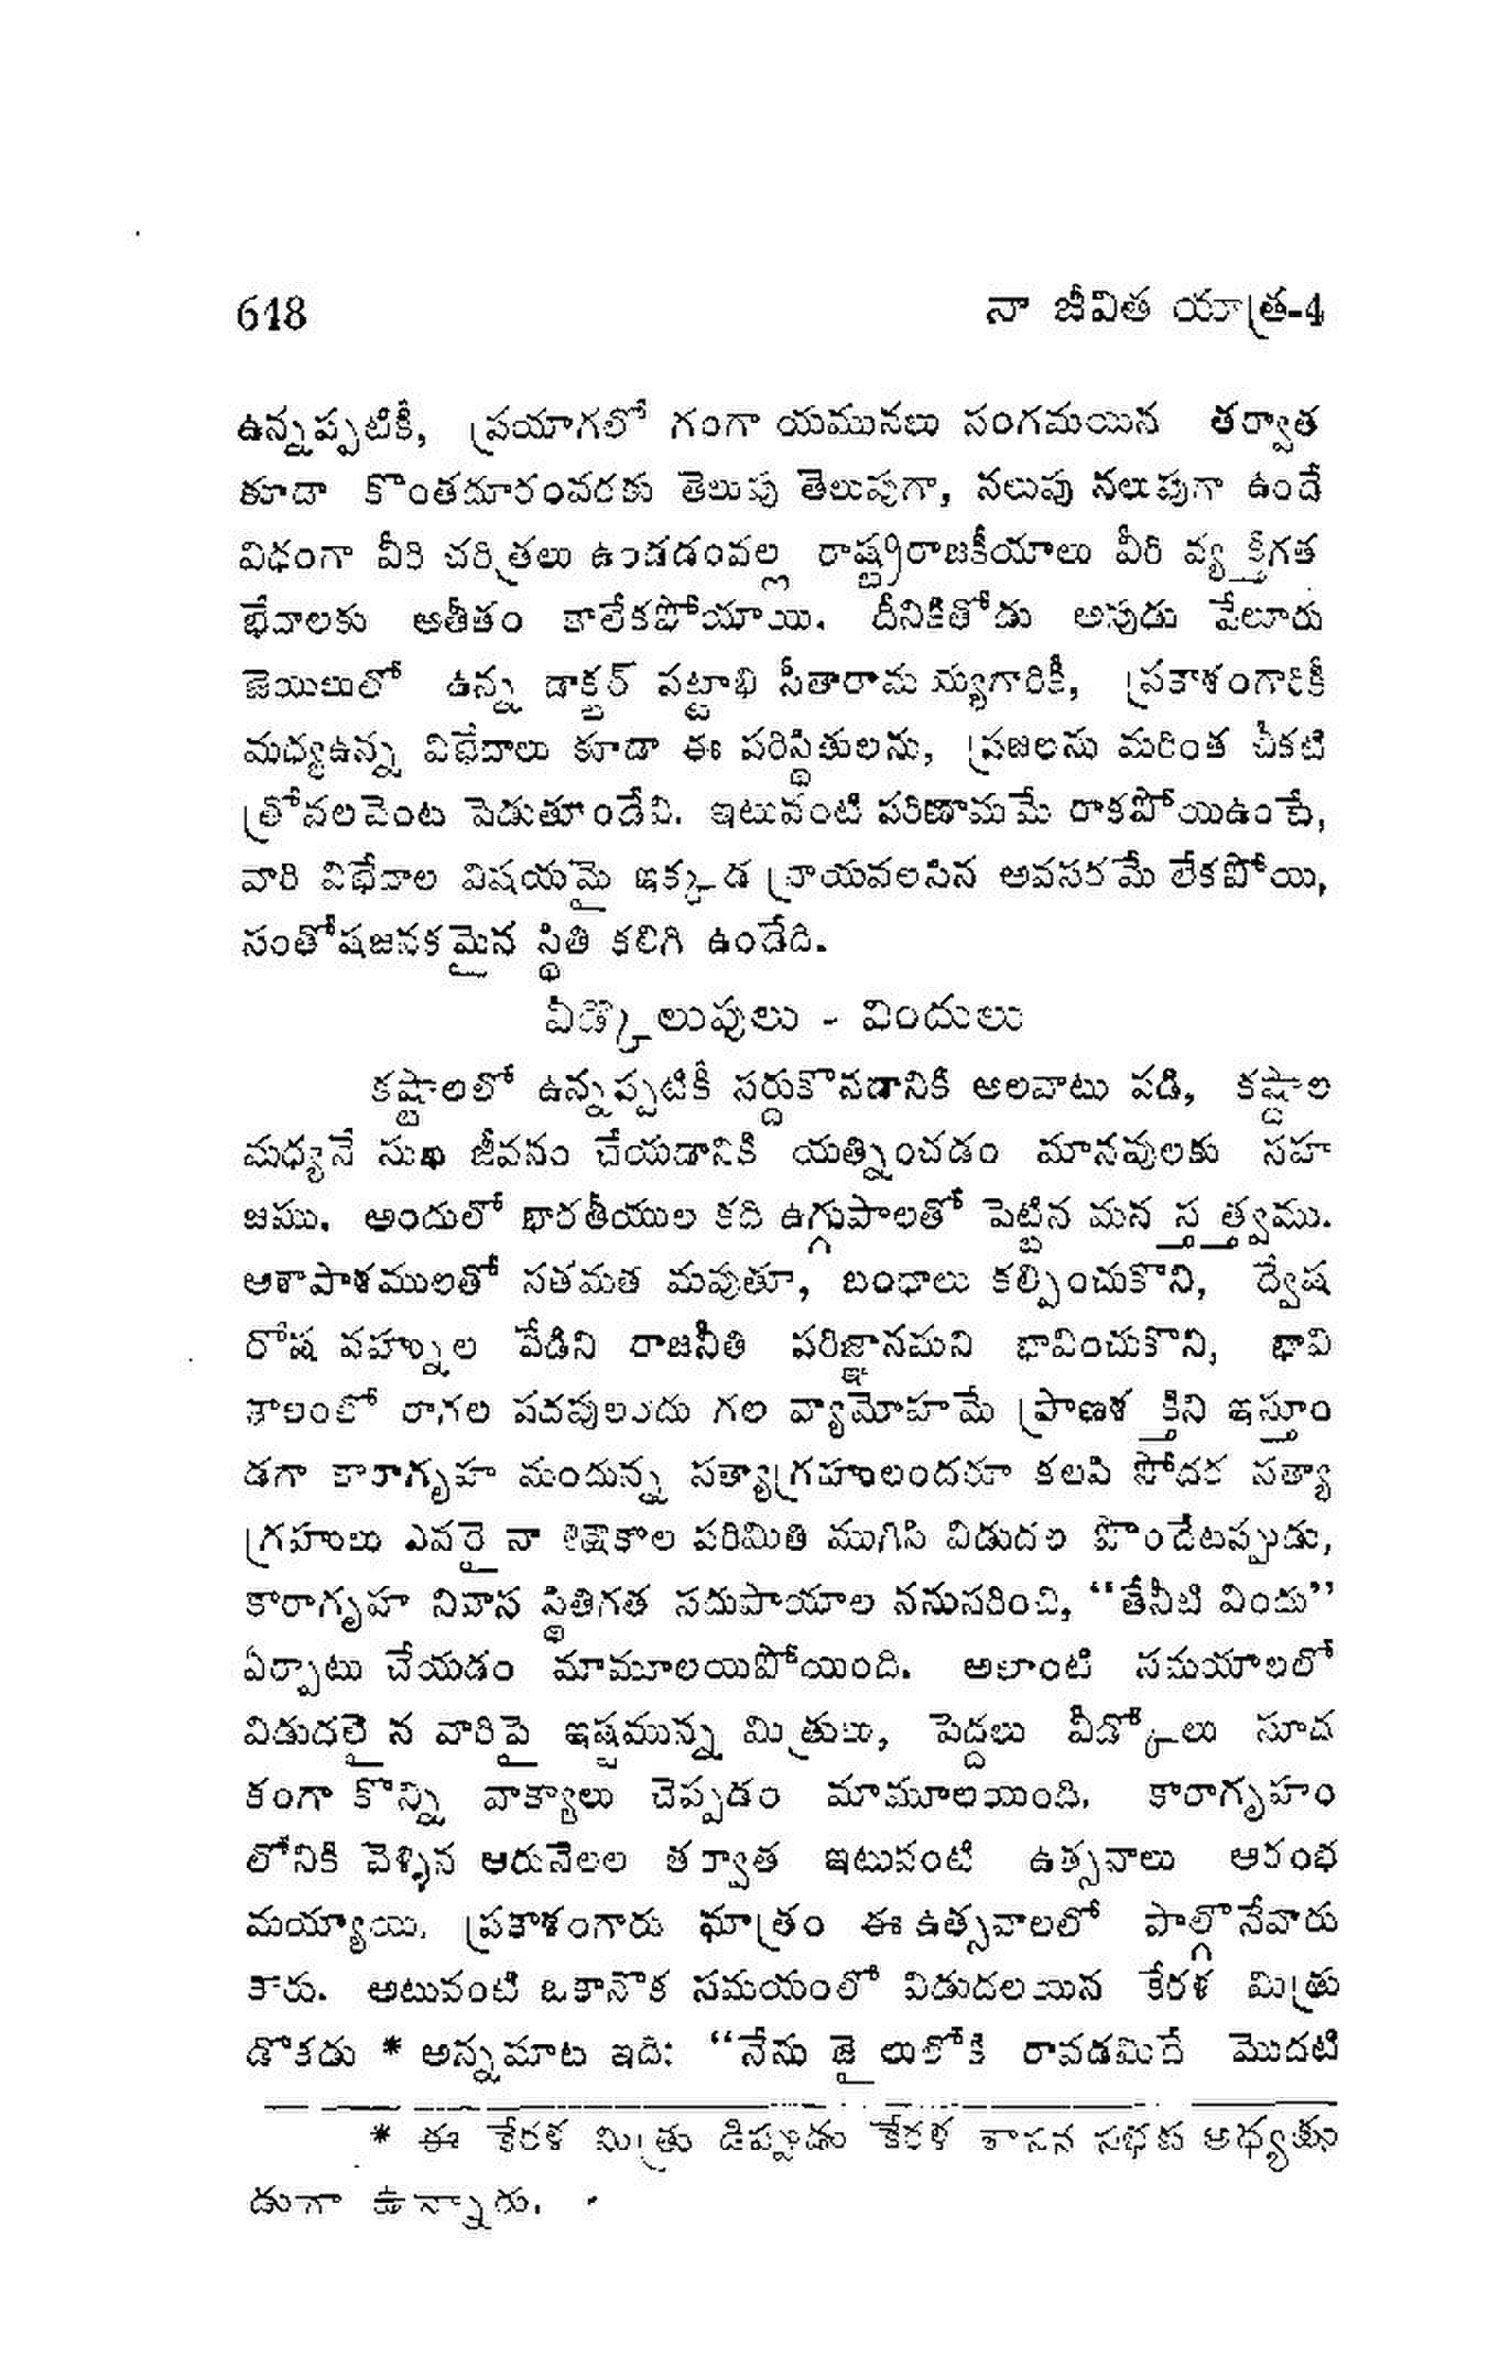ఉన్నప్పటికీ, ప్రయాగలో గంగా యమునలు సంగమయిన తర్వాత కూడా కొంతదూరంవరకు తెలుపు తెలుపుగా, నలుపు నలుపుగా ఉండే విధంగా వీరి చరిత్రలు ఉండడంవల్ల రాష్ట్రరాజకీయాలు వీరి వ్యక్తిగత భేదాలకు అతీతం కాలేకపోయాయి. దీనికితోడు అపుడు వేలూరు జెయిలులో ఉన్న డాక్టర్ పట్టాభి సీతారామయ్యగారికీ, ప్రకాశంగారికీ మధ్యఉన్న విభేదాలు కూడా ఈ పరిస్థితులను, ప్రజలను మరింత చీకటి త్రోవలవెంట పెడుతూండేవి. ఇటువంటి పరిణామమే రాకపోయిఉంటే, వారి విభేదాల విషయమై ఇక్కడ వ్రాయవలసిన అవసరమే లేకపోయి సంతోషజనకమైన స్థితి కలిగి ఉండేది.

కష్టాలలో ఉన్నప్పటికీ సర్దుకొనడానికి అలవాటు పడి, కష్టాల మధ్యనే సుఖ జీవనం చేయడానికి యత్నించడం మానవులకు సహజము. అందులో భారతీయుల కది ఉగ్గుపాలతో పెట్టిన మనస్తత్త్వము. ఆశాపాశములతో సతమత మవుతూ, బంధాలు కల్పించుకొని, ద్వేషరోష వహ్నుల వేడిని రాజనీతి పరిజ్ఞానమని భావించుకొని, భావికాలంలో రాగల పదవులందు గల వ్యామోహమే ప్రాణశక్తిని ఇస్తూండగా కారాగృహ మందున్న సత్యాగ్రహు లందరూ కలసి సోదర సత్యాగ్రహులు ఎవరైనా శిక్షాకాల పరిమితి ముగిసి విడుదల పొందేటప్పుడు కారాగృహ నివాస స్థితిగత సదుపాయాల ననుసరించి, "తేనీటి విందు" ఏర్పాటు చేయడం మామూలయిపోయింది. అలాంటి సమయాలలో విడుదలైన వారిపై ఇష్టమున్న మిత్రులు, పెద్దలు వీడ్కోలు సూచకంగా కొన్ని వాక్యాలు చెప్పడం మామూలయింది. కారాగృహంలోనికి వెళ్ళిన ఆరునెలల తర్వాత ఇటువంటి ఉత్సవాలు ఆరంభమయ్యాయి. ప్రకాశంగారు మాత్రం ఈ ఉత్సవాలలో పాల్గొనేవారు కారు. అటువంటి ఒకానొక సమయంలో విడుదలయిన కేరళ మిత్రుడొకడు అన్నమాట ఇది: "నేను జైలులోకి రావడమిదే మొదటి